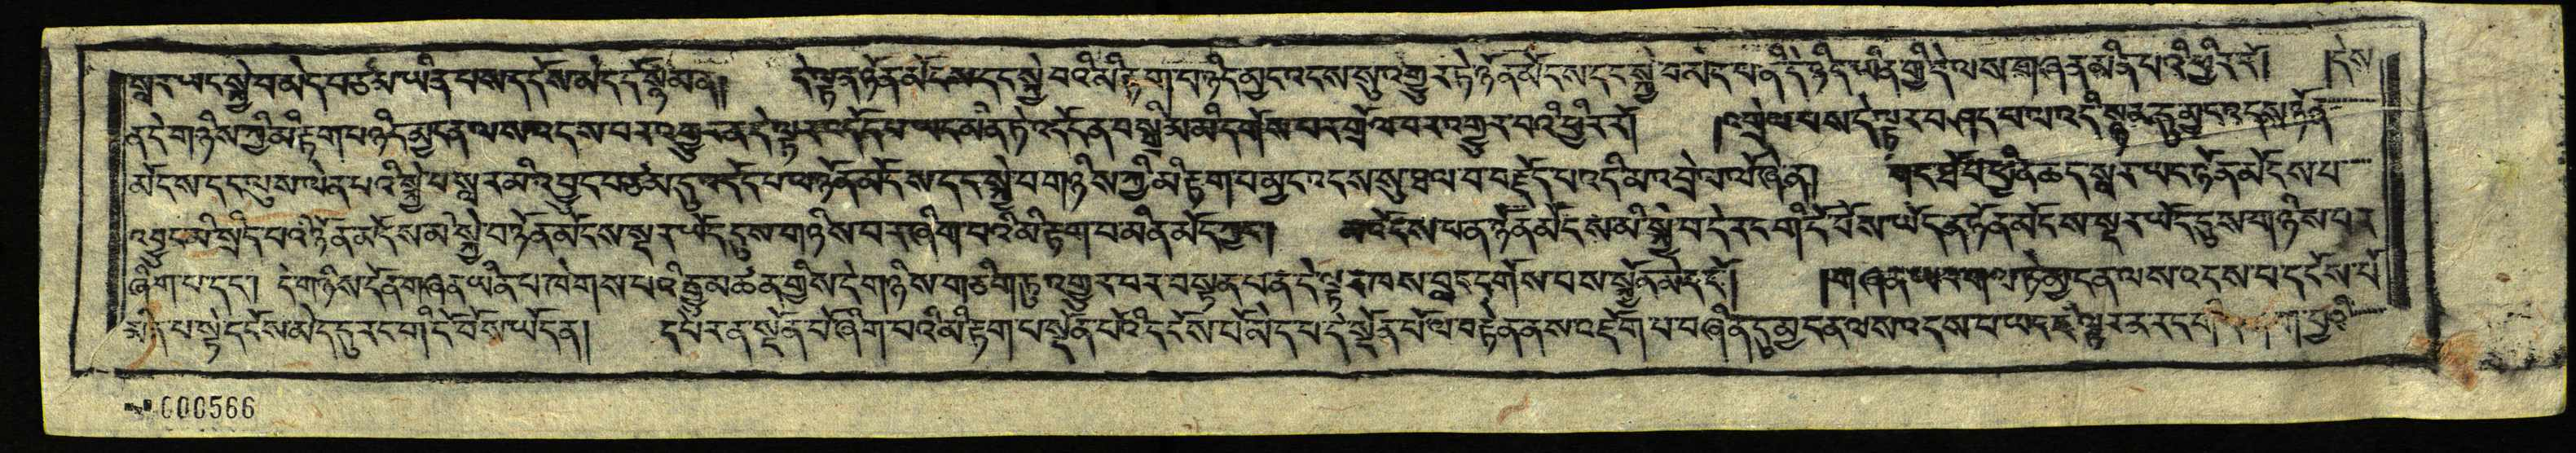སླར་ཡང་སྐྱེ་བ་མེད་པ་ཙམ་ཡིན་པས་དངོས་མེད་དོ་སྙམ་ན། དེ་ལྟ་ན་ཉོན་མོངས་དང་སྐྱེ་བའི་མི་རྟག་པ་ཉིད་མྱང་འདས་སུ་འགྱུར་ཏེ་ཉོན་མོངས་དང་སྐྱེ་བ་མེད་པ་ནི་དེ་ཉིད་ཡིན་གྱི་དེ་ལས་གཞན་མིན་པའི་ཕྱིར་རོ། །དེས་
ན་དེ་གཉིས་ཀྱི་མི་རྟག་པ་ཉིད་མྱ་ངན་ལས་འདས་པར་འགྱུར་ན་དེ་ལྟར་འདོད་པ་ཡང་མིན་ཏེ་འདོད་ན་བསྒྲིབ་མི་དགོས་པར་གྲོལ་བར་འགྱུར་བའི་ཕྱིར་རོ། །འགྲེལ་པས་དེ་ལྟར་བཤད་པ་ལ་འདི་སྙམ་དུ་མྱང་འདས་ཉོན་
མོངས་དང་ལུས་ལེན་པའི་སྐྱེ་བ་སླར་མི་འབྱུང་བ་ཙམ་དུ་འདོད་པ་ལ་ཉོན་མོངས་དང་སྐྱེ་བ་གཉིས་ཀྱི་མི་རྟག་པ་མྱང་འདས་སུ་ཐལ་བ་བརྗོད་པ་འདི་མ་འབྲེལ་ལོ་ཞེ་ན། གང་ཐོབ་ཕྱིན་ཆད་སླར་ཡང་ཉོན་མོངས་པ་
འབྱུང་མི་སྲིད་པའི་ཉོན་མོངས་མ་སྐྱེ་བ་ཉོན་མོངས་སྔར་ཡོད་དུས་གཉིས་བར་ཞིག་པའི་མི་རྟག་པ་མིན་མོད་ཀྱང་། མ་འོངས་པ་ན་ཉོན་མོངས་མི་སྐྱེ་བ་དེ་རང་གི་ངོ་བོས་ཡོད་ན་ཉོན་མོངས་སྔར་ཡོད་དུས་གཉིས་པར་
ཞིག་པ་དང་། དེ་གཉིས་དོན་གཞན་ཡིན་པ་ཁེགས་པའི་རྒྱུ་མཚན་གྱིས་དེ་གཉིས་གཅིག་ཏུ་འགྱུར་བར་བསྟན་པ་ན་དེ་ལྟར་ཁས་བླང་དགོས་པས་སྐྱོན་མེད་དོ། །གཞན་ཡང་གལ་ཏེ་མྱ་ངན་ལས་འདས་པ་དངོས་པོ་
མིན་པ་སྟེ་དངོས་མེད་དུ་རང་གི་ངོ་བོས་ཡོད་ན། དཔེར་ན་སྔོན་པོ་ཞིག་པའི་མི་རྟག་པ་སྔོན་པོའི་དངོས་པོ་མེད་པ་དེ་སྔོན་པོ་ལ་བརྟེན་ནས་འཇོག་པ་བཞིན་དུ་མྱ་ངན་ལས་འདས་པ་ཡང་ཇི་ལྟར་ན་རང་གི་དགག་བྱའི་